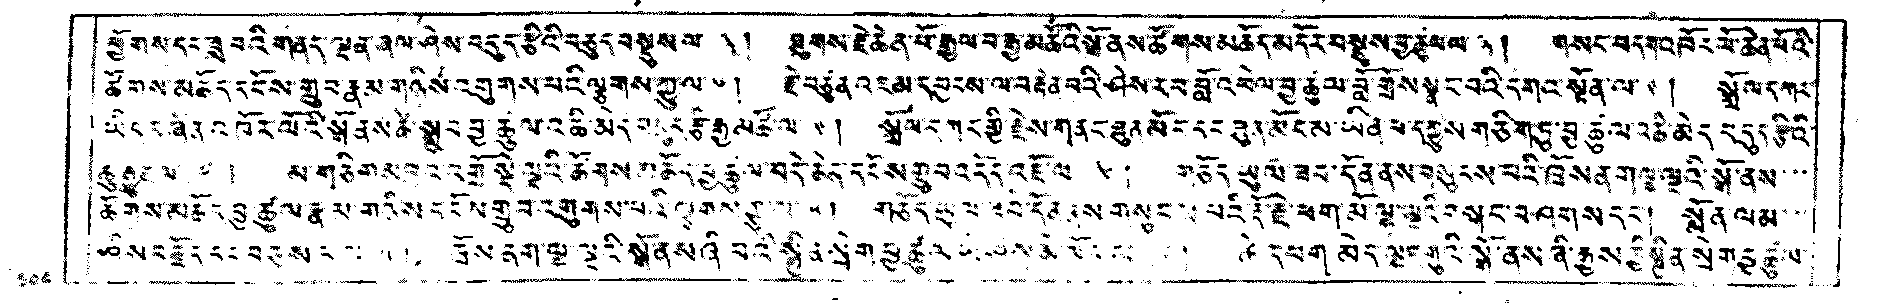ཕྱོགས་དང་ཟླ་བའི་གནད་ལྡན་ཞལ་ཤེས་བདུད་རྩིའི་བཅུད་བསྡུས་ལ ༣། ཐུགས་རྗེ་ཆེན་པོ་རྒྱལ་བ་རྒྱ་མཚོའི་སྒོ་ནས་ཚོགས་མཆོད་མདོར་བསྡུས་བྱ་ཚུལ་ལ ༣། གསང་བདག་འཁོར་ལོ་ཆེན་པོའི་
ཚོགས་མཆོད་དངོས་གྲུབ་རྣམ་གཉིས་འགུགས་པའི་ལྕགས་ཀྱུ་ལ ༦། རྗེ་བཙུན་འཇམ་དབྱངས་ལ་བརྟེན་པའི་ཤེས་རབ་བློ་འཕེལ་བྱ་ཚུལ་བློ་གྲོས་སྣང་བའི་དགའ་སྟོན་ལ ༤། སྒྲོལ་དཀར་
ཡིད་བཞིན་འཁོར་ལོའི་སྒོ་ནས་ཚེ་སྒྲུབ་བྱ་ཚུལ་འཆི་མེད་བདུད་རྩི་རྒྱ་མཚོ་ལ ༤། སྒྲོལ་དཀར་གྱི་རྗེས་གནང་ཐུན་མོང་དང་ཐུན་མོང་མ་ཡིན་པ་དཀྱུས་གཅིག་ཏུ་བྱ་ཚུལ་འཆི་མེད་བདུད་རྩིའི་
ཆུ་རྒྱུན་ལ ༧། མ་གཅིག་མཁའ་འགྲོ་སྡེ་ལྔའི་ཚོགས་མཆོད་བྱ་ཚུལ་བདེ་ཆེན་དངོས་གྲུབ་འདོད་འཇོ་ལ ༦། གཅོད་ཡུལ་ཟབ་དོན་ནས་གསུངས་པའི་ཁྲོས་ནག་ལྷ་ལྔའི་སྒོ་ནས་
ཚོགས་མཆོད་བྱ་ཚུལ་རྣམ་གཉིས་དངོས་གྲུབ་འགུགས་པའི་ལྕགས་ཀྱུ་ལ ༥། གཅོད་ཡུལ་ཟབ་དོན་ནས་གསུངས་པའི་རྡོ་རྗེ་ཕག་མོ་ལྷ་ལྔའི་བསྐང་བཤགས་དང་། སྨོན་ལམ་
ཤིས་བརྗོད་དང་བཅས་པ་ལ ༥། ཁྲོས་ནག་ལྷ་ལྔའི་སྒོ་ནས་ཞི་བའི་སྤྱིན་སྲེག་བྱ་ཚུལ་ཡེ་ཤེས་མེ་ལོང་ལ ༩། ཚེ་དཔག་མེད་ལྷ་དགུའི་སྒོ་ནས་ཞི་རྒྱས་ཀྱི་སྦྱིན་སྲེག་བྱ་ཚུལ་